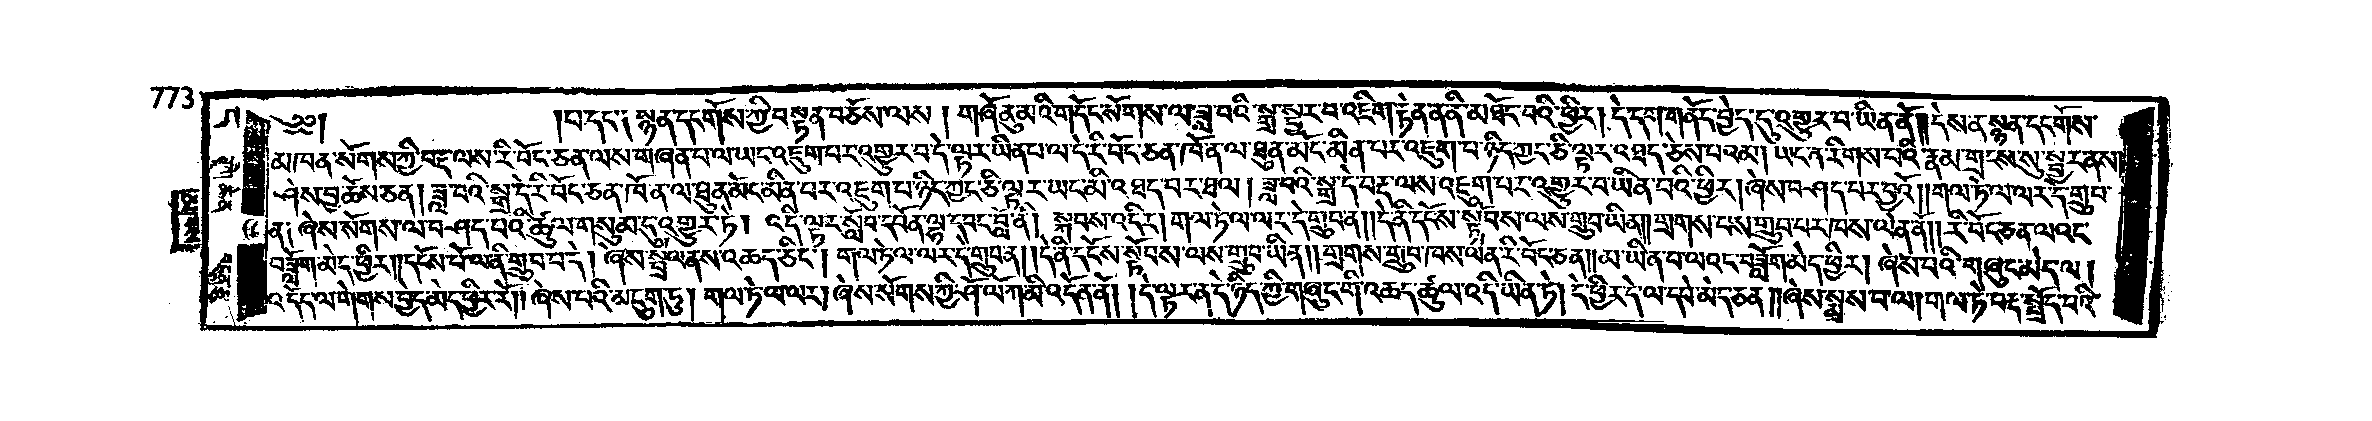༄༅། །པ་དང་། སྙན་དང་གོས་ཀྱི་བསྟན་བཅོས་ལས། གཞོན་ནུ་མའི་གདོང་སོགས་ལ་ཟླ་བའི་སྒྲ་སྦྱར་བ་འཇིག་རྟེན་ན་ནི་མཐོང་བའི་ཕྱིར། དེ་དག་གནོད་བྱེད་དུ་འགྱུར་བ་ཡིན་ནོ། །དེས་ན་སྙན་དང་གོས་
མཁན་སོགས་ཀྱི་བརྡ་ལས་རི་བོང་ཅན་ལས་གཞན་པ་ལ་ཡང་འཇུག་པར་འགྱུར་བ་དེ་ལྟར་ཡིན་པ་ལ་དེ་རི་བོང་ཅན་ཁོ་ན་ལ་ཐུན་མོང་མིན་པར་འཇུག་པ་ཉིད་ཀྱང་ཅི་ལྟར་འཐད་ཅེས་པའམ། ཡང་ན་རིགས་པའི་རྣམ་གྲང་སུ་སྦྱར་ནས་
ཤེས་བྱ་ཆོས་ཅན། ཟླ་བའི་སྒྲ་དེ་རི་བོང་ཅན་ཁོ་ན་ལ་ཐུན་མོང་མ་ཡིན་པར་འཇུག་པ་ཉིད་ཀྱང་ཅི་ལྟར་ཡང་མི་འཐད་པར་ཐལ། ཟླ་བའི་སྒྲ་དེ་བརྡ་ལས་འཇུག་པར་འགྱུར་བ་ཡིན་པའི་ཕྱིར། ཞེས་བཤད་པར་བྱའོ། །གལ་ཏེ་ལ་ལར་དེ་གྲུབ་
ན། ཞེས་སོགས་ལ་བཤད་པའི་ཚུལ་གསུམ་དུ་འགྱུར་ཏེ། འདི་ལྟར་སློབ་དཔོན་ལྷ་དབང་བློ་ནི། སྐབས་འདིར། གལ་ཏེ་ལ་ལར་དེ་གྲུབ་ན། དེ་ནི་དངོས་སྟོབས་ལས་གྲུབ་ཡིན། །གྲགས་པས་གྲུབ་པར་ཁས་ལེན་ནོ། །རི་བོང་ཅན་ལའང་
བཟློག་མེད་ཕྱིར། །དངོས་པོ་ལ་ནི་གྲུབ་པ་དེ། ཞེས་སྤྲེལ་ནས་འཆད་ཅིང་། གལ་ཏེ་ལ་ལར་དེ་གྲུབ་ན། དེ་ནི་དངོས་སྟོབས་ལས་གྲུབ་ཡིན། གྲགས་གྲུབ་ཁས་ལེན་རི་བོང་ཅན། །མ་ཡིན་པ་ལའང་བཟློག་མེད་ཕྱིར། ཞེས་པའི་གཞུང་མེད་ལ།
འདོད་ལ་གེགས་བྱེད་མེད་ཕྱིར་རོ། །ཞེས་པའི་མཇུག་ཏུ། གལ་ཏེ་ལ་ལར། ཞེས་སོགས་ཀྱི་ཤོ་ལོ་ཀ་མོ་འདོད་དོ། དེ་ལྟར་ན་དེ་ཉིད་ཀྱི་གཞུང་གི་འཆད་ཚུལ་འདི་ཡིན་ཏེ། དེ་ཕྱིར་དེ་ལ་དཔེ་མེད་ཅན། ཞེས་སྨྲས་བ་ལ། གལ་ཏེ་བརྡ་སྤྲོད་པའི་